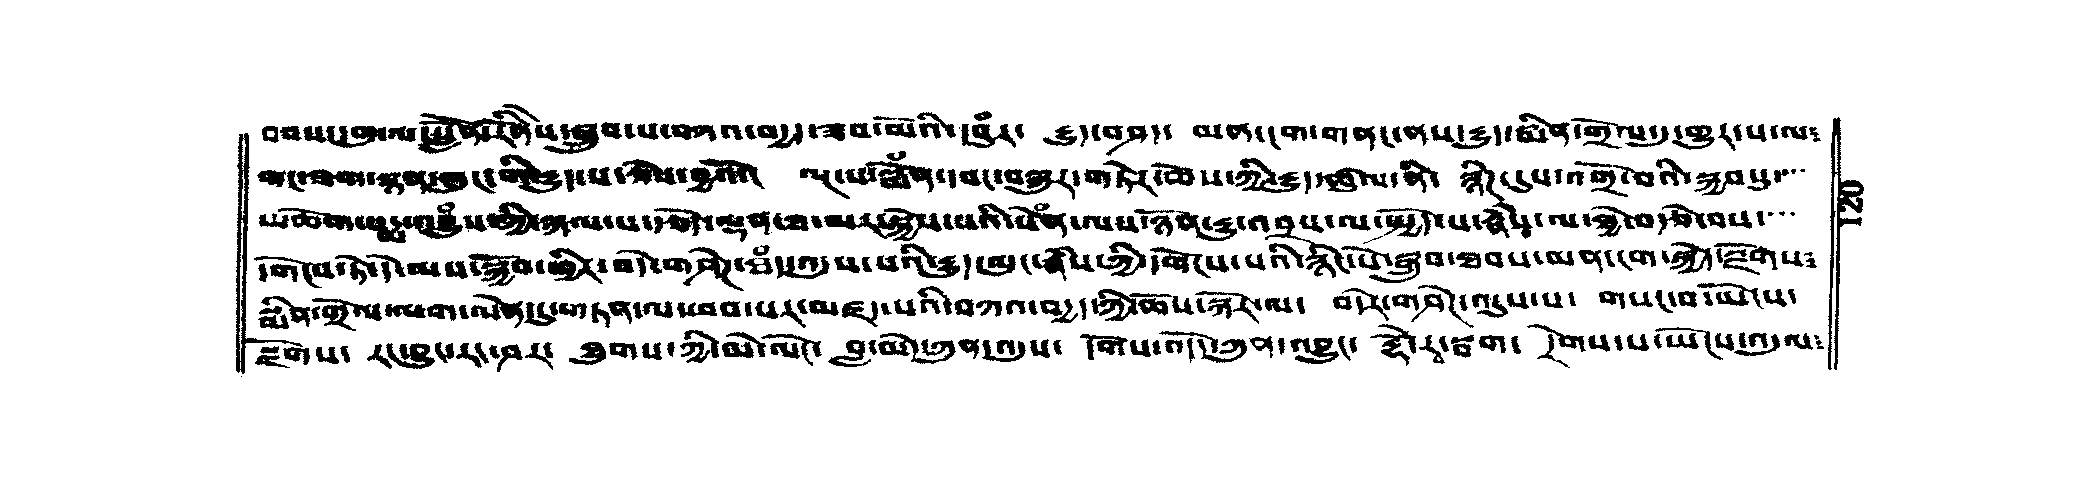བབས་དགུ་ལ་སློབ་དཔོན་རིན་པོ་ཆེས་སྒྲུབ་བ་བཀའ་བརྒྱད་ཟབ་མོའི་དབང་བསྐུར། རྒྱུད་བཤད། མན་ངག་གནང་ནས་རྒྱུད་སྨིན་གྲོན་དུ་གྱུར་པ་ལ་
གང་ཟག་སྙན་ཁུང་གི་རྒྱུད་པ་ཅེས་བྱའོ།ལྔ་པ་སྨོན་ལམ་དབང་བསྐུར་གཏེར་ཆོས་ཀྱི་རྒྱུད་ཚུལ་ནི། སྙིགས་དུས་འགྲོ་བའི་སྐྱབས་སུ་
མཆོག་པདྨ་འབྱུང་གནས་ཀྱི་སྐལ་པ་རྩོད་ལྡན་ཐ་མར་སྐྱེས་པའི་སེམས་ཅན་ལས་ཉོན་རྒྱུ་འབྲས་ལ་སྤྱོད་པ་རྣམས་ལ་ཐུགས་བརྩེ་བས་
དགོངས་ཏེ་དེ་ལས་སྐྱོབ་ཕྱིར་བདེ་གཤེགས་ཐམས་ཅད་འདུས་པའི་རྒྱུད་ལུང་རྣམས་ཀྱི་དགོངས་པའི་སྙིང་པོ་སྒྲུབ་ཐབས་མན་ངག་སྐྱེད་རྫོགས་
སྨིན་གྲོལ་ལག་ལེན་དུ་གཏན་ལ་ཕབ་པར་མཛད་པའི་བཀའ་བརྒྱད་ཀྱི་ཆོས་སྐོར་ལ། བདེ་གཤེགས་འདུས་པ། གསང་བ་ཡོངས་
རྫོགས། རང་བྱུང་རང་ཤར། ཐུགས་ཀྱི་མེ་ལོང་། བླ་མེད་ཀུན་འདུས། དགོས་འདོད་ཀུན་འབྱུང་། རྡོ་རྗེ་རྭ་སྦག དྲེགས་པ་ཡོངས་འདུལ་